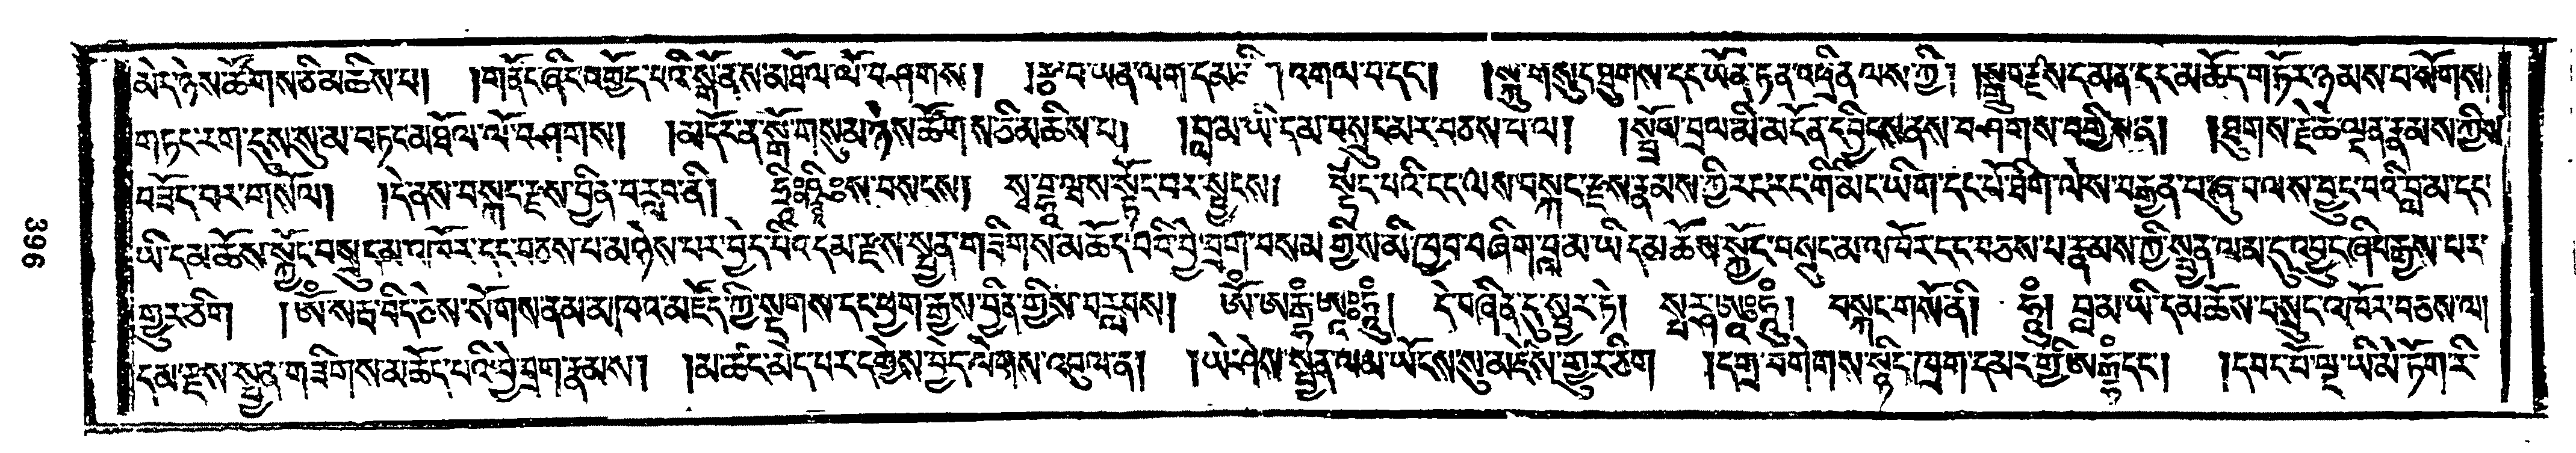མེད་ཉེས་ཚོགས་ཅི་མཆིས་པ། །གནོང་ཞིང་འགྱོད་པའི་སྒོ་ན་ས་མཐོལ་ལོ་བཤགས། །རྩ་བ་ཡན་ལག་དམ་ཚིག་འགལ་བ་དང་། །སྐུ་གསུང་ཐུགས་དང་ཡོན་ཏན་འཕྲིན་ལས་ཀྱི། །སྒྲུབ་རྫས་དམན་དང་མཆོད་གཏོར་ཉམས་པ་སོགས།
གཏང་རག་དུས་སུ་མ་བཏང་མཐོལ་ལོ་བཤགས། །མདོར་ན་སྒོ་གསུམ་ཉེས་ཚོགས་ཅི་མཆིས་པ། །བླ་མ་ཡི་དམ་བསྲུང་མར་བཅས་པ་ལ། །སྤྲོས་བྲལ་མི་མངོན་དབྱིངས་ནས་བཤགས་བགྱིས་ན། །ཐུགས་རྗེ་ཆེ་ལྡན་རྣམས་ཀྱིས་
བཟོད་པར་གསོལ། །དེ་ནས་བསྐང་རྫས་བྱིན་བརླབ་ནི། ཧྲཱིཿ ཥྚཱིཿ ས་བསངས། སྭ་བྷཱ་ཝ་ས་སྟོང་བར་སྦྱངས། སྟོང་པའི་ངན་ལས་བསྐང་རྫས་རྣམས་ཀྱི་རང་རང་གི་མིང་ཡིག་དང་པོ་ཐིག་ལེས་བརྒྱན་པ་ཞུ་བ་ལས་བྱུང་བའི་བླ་མ་དང་
ཡི་དམ་ཆོས་སྐྱོང་བསྲུང་མ་འཁོར་དང་བཅས་པ་མཉེས་པར་བྱེད་པའི་དམ་རྫས་སྤྱན་གཟིགས་མཆོད་པའི་བྱེ་བྲག་བསམ་གྱིས་མི་ཁྱབ་བཞིག་བླ་མ་ཡི་དམ་ཆོས་སྐྱོང་བསྲུང་མ་འཁོར་དང་བཅས་པ་རྣམས་ཀྱི་སྤྱན་ལམ་དུ་འབྱུང་ཞིབ་རྒྱས་པར་
གྱུར་ཅིག །ཨོཾ་སརྦ་བིད་ཅེས་སོགས་ནམ་མཁའ་མཛོད་ཀྱི་སྔགས་དང་ཕྱག་རྒྱས་བྱིན་གྱིས་བརླབས། ཨོཾ་ཨརྒྷཾ་ཨཱཿ ཧཱུཾ། དེ་བཞིན་དུ་སྦྱར་ཏེ། སྤརྴ་ཨཱཿ ཧཱུཾ། བསྐང་གསོ་ནི། ཧཱུཾ། བླ་མ་ཡི་དམ་ཆོས་བསྲུང་འཁོར་བཅས་ལ།
དམ་རྫས་སྤྱན་གཟིགས་མཆོད་པའི་བྱེ་བྲག་རྣམས། །མ་ཚང་མེད་པར་དགྱེས་བྱེད་ལེགས་འབུལ་ན། །ཡེ་ཤེས་སྤྱན་ལམ་ཡོངས་སུ་མཛེས་གྱུར་ཅིག །དགྲ་བགེགས་སྙིང་ཁྲག་དམར་གྱི་ཨརྒྷཾ་དང་། །དབང་པོ་ལྔ་ཡི་མེ་ཏོག་རི་